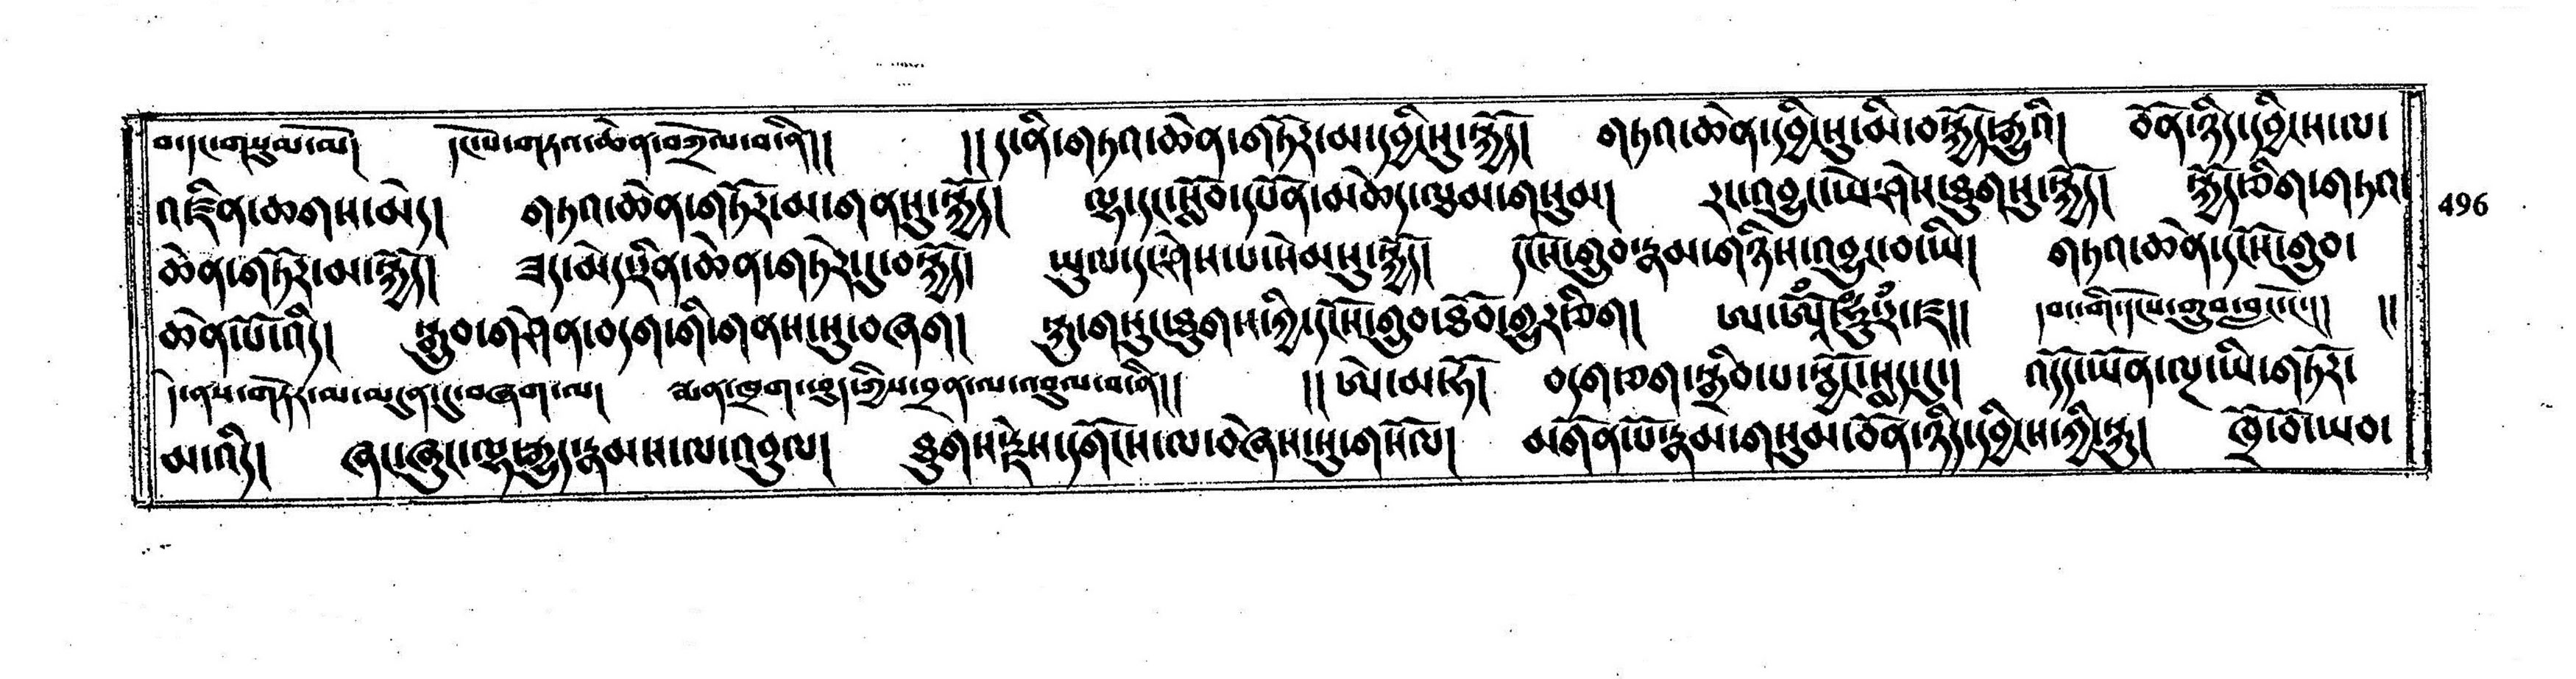བ་དང་གསུམ་མོ། དང་པོ་གཏའ་ཆེན་བཀྲོལ་བ་ནི།། །།ད་ནི་གཏའ་ཆེན་གཏོར་མ་དབྱིངས་སུ་སྐྱོད།། གཏའ་ཆེན་དབྱིངས་སུ་མི་བསྐྱོད་རྒྱུའི། བོན་ཉིད་དབྱིངས་ལ་
འཛིན་ཆགས་མེད། གཏའ་ཆེན་གཏོར་མ་གནས་སུ་སྐྱོད། ལྷ་དང་སློབ་དཔོན་མཆེད་ལྕམ་གསུམ། རང་འབྱུང་ཡེ་ཤེས་ཐུགས་སུ་སྐྱོད། སྐྱོད་ཅིག་གཏའ་
ཆེན་གཏོར་མ་སྐྱོད། ཟད་མེད་རིན་ཆེན་{510}གཏེར་དུ་བསྐྱོད། ཡུལ་དང་ཤེས་པ་སེམས་སུ་སྐྱོད། དངོས་གྲུབ་རྣམ་གཉིས་འབྱུང་བ་ཡི། གཏའ་ཆེན་དངོས་གྲུབ་
ཆེན་པོ་འདི། སྒྲུབ་གཤེན་བདག་གི་གནས་སུ་བཞག སྐུ་གསུང་ཐུགས་ཀྱི་དངོས་གྲུབ་ཐོབ་གྱུར་ཅིག ཨ་ཨཱོཾ་ཧཱུྃ་རཾ་ཛ།། དབང་གི་དངོས་གྲུབ་བླང་ངོ་། 
དེ་ནས་གཏོར་མ་མདུན་དུ་བཞག་ལ། སྨན་ཁྲག་ཕུད་ཀྱིས་བྲན་ལ་འབུལ་བ་ནི།། །།ཨེ་མ་ཧོ། བདག་ཅག་སྒྲིབ་པ་སྦྱོང་སླད་དུ། འདོད་ཡོན་ལྔ་ཡི་གཏོར་
མ་འདི། ཞང་ཞུང་ལྷ་རྒྱུད་རྣམས་ལ་འབུལ། ཐུགས་རྗེས་དགོངས་ལ་བཞེས་སུ་གསོལ། མགོན་པོ་རྣམ་གསུམ་བོན་ཉིད་དབྱིངས་ཀྱི་སྐུ། ཁྲོ་བོ་ཡབ་